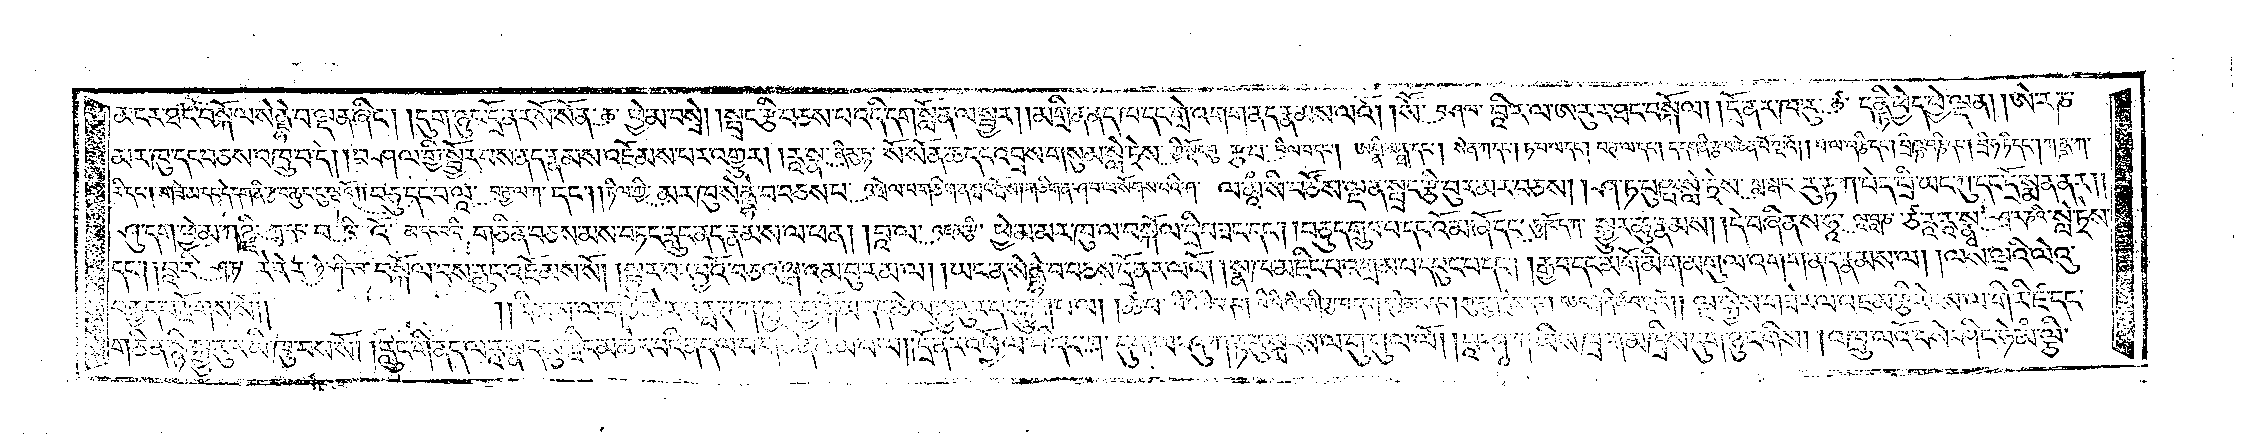མངར་ཐང་བསྐོལ་སེནྡྷེ་བ་ལྡན་ཞིང་། །དུག་ཉུང་དྲོ་ནར་སོ་སོན་ཆ་ཕྱེ་མ་བསྲེ། །སྦྲང་རྩི་བཅས་པ་འདི་དག་སློན་ལ་སྦྱར། །མགྲིན་ནད་ཁ་དང་གྲེ་འགག་ནད་རྣམས་ལའོ། །སཽ་བཤལ་བཱི་ར་ལ་ཨ་རུ་ར་ཐང་བསྐོལ། །དྲོ་ནར་ཁ་རུ་ཚ་དནྟི་ཕྱེད་ཕྱེ་ལྡན། །ཨེ་རཎ་
མར་ཁུ་དང་བཅས་འཁྲུ་བ་དེ། །བཤལ་གྱི་སྦྱོར་བས་ནད་རྣམས་འཇོམས་པར་འགྱུར། །རཱ་སྣ་ནི་རུ་དྙ་སོ་སོན་ཆ་དང་འབྲས་གསུམ་སླེ་ཏྲེས་ཀྱི་སྡོང་བུ་རྩ་བ་བིལ་བ་དང་། ཨགནི་མནྠ་དང་། སེན་ཀ་དང་། ཏ་པ་ལ་དང་། པ་ཊ་ལ་དང་། ད་དག་ནི་རྩ་བ་ཆེན་པོ་ལྔའོ། །བ་ལ་པརྞི་དང་། པྲིཥྞ་བརྞི་དང་། བྲིཧ་ཏི་དང་། ཀནྜ་ཀ་
རི་དང་། གཟེ་མ་དང་དེ་དག་ནི་རྩ་བ་ཆུང་ངུ་ལྔའོ། །བཅུ་དང་བ་ལཱ་བ་ཊྱ་ལ་ཀ་དང་། །ཏིལ་གྱི་མར་ཁུ་སེནྡྷེ་བ་བཅས་པ་འགྲེལ་པ་གཅིག་ན་སྤང་སྤོས། གཅིག་ན་ཤ་བ་ལ་སོགས་པའི་ཤ་ལ་མཱྀ་སི་བཙོས་ལྡན་སྤྲང་རྩི་བུར་མར་བཅས། །ཤ་ཏ་པུཥྤ་སླེ་ཏྲེས་གླ་སྒང་རུ་རྟ་ཀ་པེད་པྲི་ཡང་ཀུ་དང་དྲོ་སྨན་ནར། །
ཤུ་དག་ཕྱེ་མ་ཀཉྫི་ཀྲུ་དང་བ་འི་འོ་མ་དང་བའི་གཅིན་བཅས་མས་བཏང་རླུང་ནད་རྣམས་ལ་ཕན། །བཱ་ལ་འཇམ་རྩི་ཕྱེ་མ་མར་ཁུ་ལ་བསྐོལ་དྲི་བཟང་དང་། །བཅུད་གྲུབ་པ་དང་འོ་མ་ཞོ་དང་ཏུ་ཥོ་ད་ཀ་སྐྱུར་ཆུ་རྣམས། །དེ་བཞིན་ས་ཧཱ་ལཱ་བཱ་ཎ་ཙ་རཱ་རཱ་སྣཱ་ཤ་ར་ཎའི་སླེ་ཏྲེས་
དང༑ ༑བཱ་རི་ཤ་ཏ་རེ་རེར་ཉེ་ཤིང་བ་བསྐོལ་བས་རླུང་འཇོམས་སོ། །སྦྱར་བར་བྱའོ་བཅའ་ལྒ་འམ་བུ་རམ་ལ། །ཡང་ན་སེནྡྷེ་བ་བཅས་དྲོ་ནར་ལའོ། །སྣ་ཁ་མཇིང་པ་འགྲམ་པ་དཔུང་པ་དང་། །རྒྱབ་དང་མགོ་མིག་མགུལ་འགག་ནད་རྣམས་ལ། །ལས་ལྔའི་ལེའུ་
བརྒྱད་པ་རྫོགས་སོ།། །།རིམས་ལ་གཙོ་ཆེར་པརྤ?་ཊ་ཀ་སྦྱར་བྱ་སྐོམ་དད་ཆེ་ལ་སྐྱུ་རུ་ར་དང་སྐྱུག་པ་ལ། །ཚ་བ་པི་པི་མིང་དང་། པི་པི་ལིང་གི་རྩ་བ་དང་། དབྱེ་མང་དང་། ཀུ་དྲུག་དྲེས་དང་། བཅའ་ལྒ་ནི་ཚབ་ལྔའོ།། ལྔ་སྐྱེས་གཟེར་ལ་འཇམ་རྩི་རེངས་ལ་གི་རི་ཛ་དང་
གཅིན་སྙི་སྐྱུ་རུ་ར་ཡི་ཁུ་བས་སོ། །རླུང་གི་ནད་ལ་རཱ་སྣ་དམུ་རྫིང་མཆེར་བའི་ནད་ལ་པ་གཅེན་ཆམ་པ་ལ། །དྲོ་ནར་འཕྱོ་ལ་བི་དང་ཀ་དུག་ལ་ཤུ་ཀ་རྟ་རུ་སྐྲངས་ལ་གུ་གུལ་ལོ། །པཱ་ཤཱ་ཀ་ཡིས་ཁྲག་མཁྲིས་དུག་ཉུང་གིས། །འཁྲུ་ལའོ་བསེ་ཤིང་ཧེ་མཾ་ལྕི་